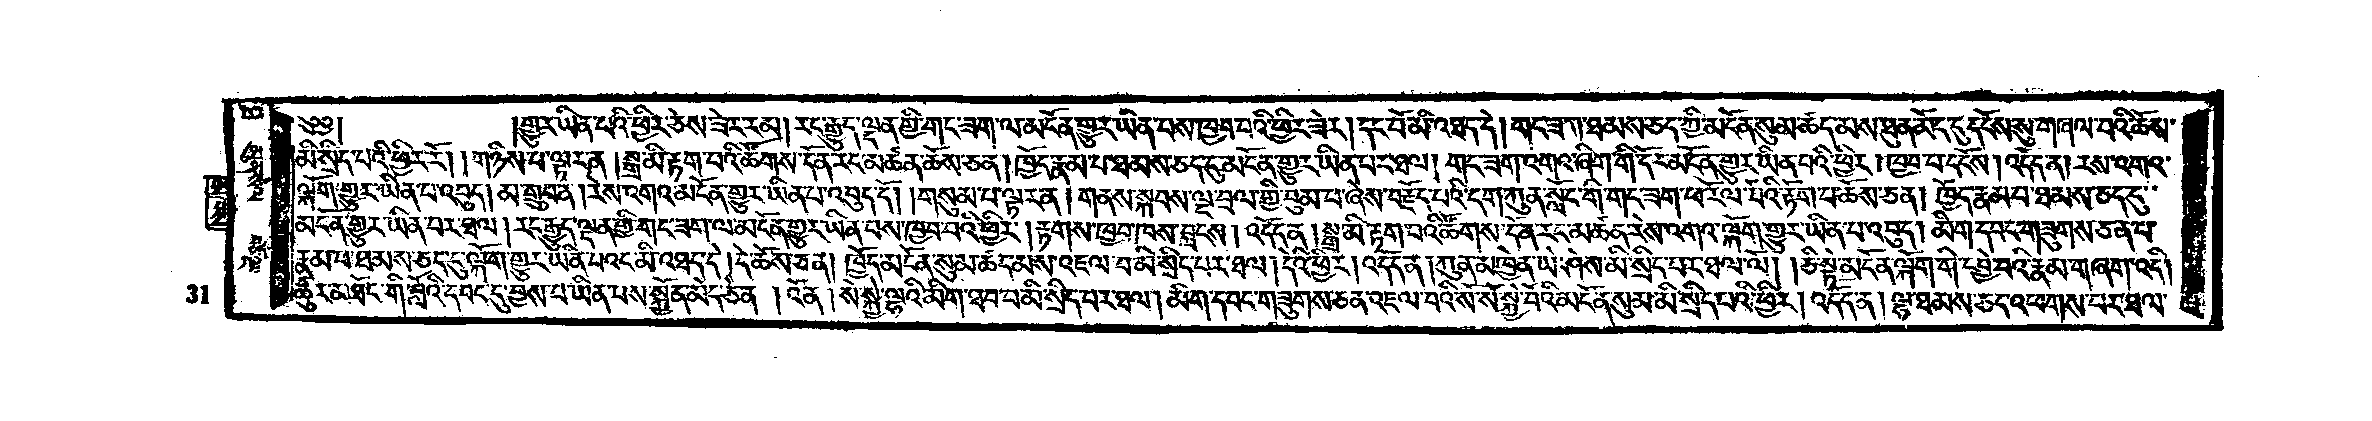༄༅། །གྱུར་ཡིན་པའི་ཕྱིར་ཅེས་ཟེར་རམ། རང་རྒྱུད་ལྡན་གྱི་གང་ཟག་ལ་མངོན་གྱུར་ཡིན་པས་ཁྱབ་པའི་ཕྱིར་ཟེར། དང་པོ་མི་འཐད་དེ། གང་ཟག་ཐམས་ཅད་ཀྱི་མངོན་སུམ་ཚད་མས་ཐུན་མོང་དུ་དངོས་སུ་གཞལ་བའི་ཆོས་
མི་སྲིད་པའི་ཕྱིར་རོ། །གཉིས་པ་ལྟར་ན། སྒྲ་མི་རྟག་པའི་ཚོགས་དོན་རང་མཚན་ཆོས་ཅན། ཁྱོད་རྣམ་པ་ཐམས་ཅད་དུ་མངོན་གྱུར་ཡིན་པར་ཐལ། གང་ཟག་འགའ་ཞིག་གི་ངོར་མངོན་གྱུར་ཡིན་པའི་ཕྱིར། ཁྱབ་པ་དངོས། འདོད་ན། རས་འགའ་
ལྐོག་གྱུར་ཡིན་པ་འབུད། མ་གྲུབ་ན། རེས་འགའ་མངོན་གྱུར་ཡིན་པ་འབུད་དོ། །གསུམ་པ་ལྟར་ན། གནས་སྐབས་ལྔ་བྲལ་གྱི་བུམ་པ་ཞེས་བརྗོད་པའི་དག་ཀུན་སློང་གི་གང་ཟག་ཕ་རོལ་པོའི་རྟོག་པ་ཆོས་ཅན། ཁྱོད་རྣམ་པ་ཐམས་ཅད་དུ་
མངོན་གྱུར་ཡིན་པར་ཐལ། རང་རྒྱུད་ལྡན་གྱི་གང་ཟག་ལ་མངོན་གྱུར་ཡིན་པས་ཁྱབ་པའི་ཕྱིར། རྟགས་ཁྱབ་ཁས་བླངས། འདོད་ན། སྒྲ་མི་རྟག་པའི་ཚོགས་དོན་རང་མཚན་རེས་འགའ་ལྐོག་གྱུར་ཡིན་པ་འབུད། མིག་དབང་གཟུགས་ཅན་པ་
རྣམ་པ་ཐམས་ཅད་དུ་ལྐོག་གྱུར་ཡིན་པའང་མི་འཐད་དེ། དེ་ཆོས་ཅན། ཁྱོད་མངོན་སུམ་ཚད་མས་འཇལ་བ་མི་སྲིད་པར་ཐལ། དེའི་ཕྱིར། འདོད་ན། ཀུན་མཁྱེན་ཡེ་ཤེས་མི་སྲིད་པར་ཐལ་ལོ། །ཅི་སྟེ་མངོན་ལྐོག་གི་དབྱེ་བའི་རྣམ་གཞག་འདི།
ཚུར་མཐོང་གི་བློའི་དབང་དུ་བྱས་པ་ཡིན་པས་སྐྱོན་མེད་ཅེ་ན། འོ་ན། སོ་སྐྱེ་ལྷའི་མིག་ཐབ་པ་མི་སྲིད་པར་ཐལ། མིག་དབང་གཟུགས་ཅན་འཇལ་བའི་སོ་སོ་སྐྱེ་བོའི་མངོན་སུམ་མི་སྲིད་པའི་ཕྱིར། འདོད་ན། ལྷ་ཐམས་ཅད་འཕགས་པར་ཐལ་